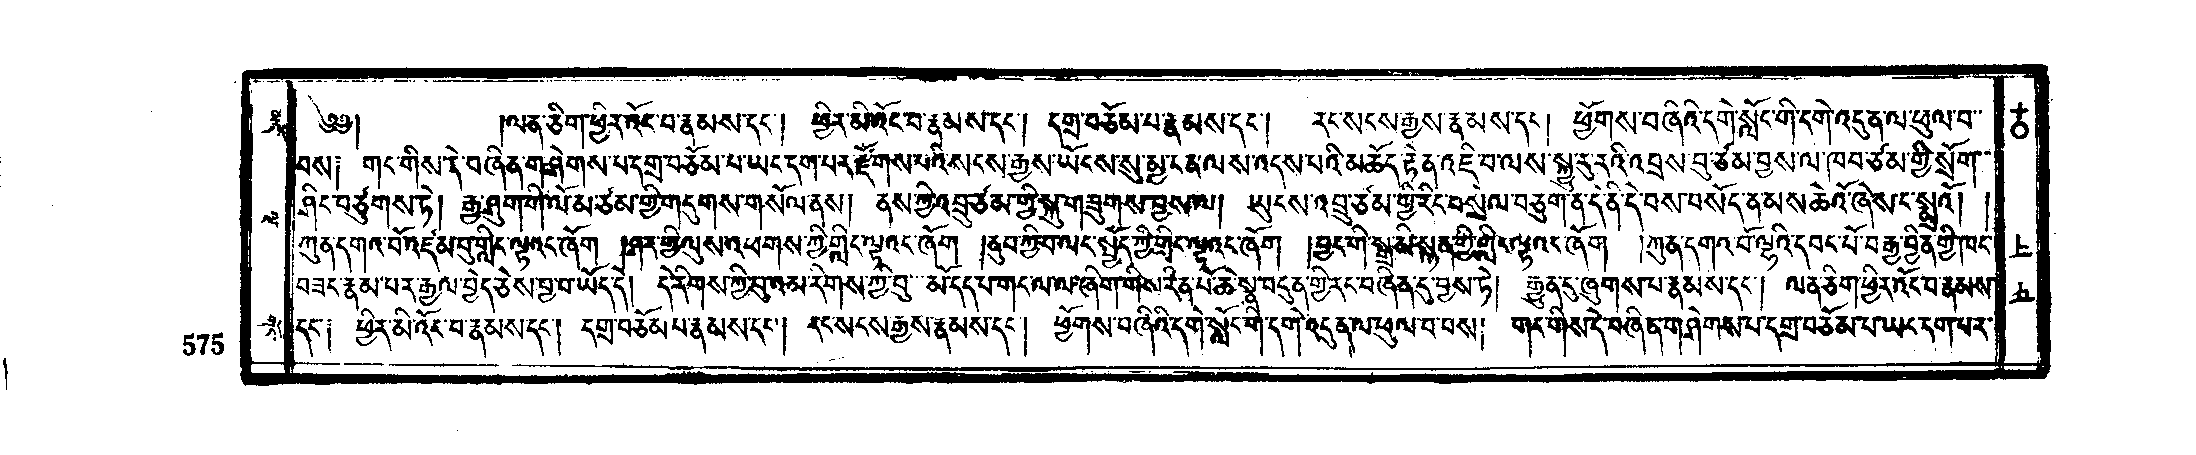༄༅། །ལན་ཅིག་ཕྱིར་འོང་བ་རྣམས་དང་། ཕྱིར་མི་འོང་བ་རྣམས་དང་། དགྲ་བཅོམ་པ་རྣམས་དང་། རང་སངས་རྒྱས་རྣམས་དང་། ཕྱོགས་བཞིའི་དགེ་སློང་གི་དགེ་འདུན་ལ་ཕུལ་བ་
བས༑ གང་གིས་དེ་བཞིན་གཤེགས་པ་དགྲ་བཅོམ་པ་ཡང་དག་པར་རྫོགས་པའི་སངས་རྒྱས་ཡོངས་སུ་མྱ་ངན་ལས་འདས་པའི་མཆོད་རྟེན་འཇི་བ་ལས་སྐྱུ་རུ་རའི་འབྲས་བུ་ཙམ་བྱས་ལ་ཁབ་ཙམ་གྱི་སྲོག་
ཤིང་བཙུགས་ཏེ། རྒྱ་ཤུག་གི་ལོ་མ་ཙམ་གྱི་གདུགས་གསོལ་ནས། ནས་ཀྱི་འབྲུ་ཙམ་གྱི་སྐུ་གཟུགས་བྱས་ལ། ཡུངས་འབྲུ་ཙམ་གྱི་རིང་བསྲེལ་བཅུག་ན་དེ་ནི་དེ་བས་བསོད་ནམས་ཆེའོ་ཞེས་ང?་སྨྲའོ། །
ཀུན་དགའ་བོ་འཛམ་བུ་གླིང་ལྟའང་ཞོག །ཤར་གྱི་ལུས་འཕགས་ཀྱི་གླིང་ལྟའང་ཞོག །ནུབ་ཀྱི་བ་ལང་སྤྱོད་ཀྱི་གླིང་ལྟའང་ཞོག །བྱང་གི་སྒྲ་མི་སྙན་གྱི་གླིང་ལྟའང་ཞོག །ཀུན་དགའ་བོ་ལྷའི་དབང་པོ་བརྒྱ་བྱིན་གྱི་ཁང་
བཟང་རྣམ་པར་རྒྱལ་བྱེད་ཅེས་བྱ་བ་ཡོད་དེ། དེ་རིགས་ཀྱི་བུ་འམ་རིགས་ཀྱི་བུ་མོ་དད་པ་གང་ལ་ལ་ཞིག་གིས་རིན་པོ་ཆེ་སྣ་བདུན་གྱི་རང་བཞིན་དུ་བྱས་ཏེ། རྒྱུན་དུ་ཞུགས་པ་རྣམས་དང་། ལན་ཅིག་ཕྱིར་འོང་བ་རྣམས་
དང༑ ཕྱིར་མི་འོང་བ་རྣམས་དང་། དགྲ་བཅོམ་པ་རྣམས་དང་། རང་སངས་རྒྱས་རྣམས་དང་། ཕྱོགས་བཞིའི་དགེ་སློང་གི་དགེ་འདུན་ལ་ཕུལ་བ་བས། གང་གིས་དེ་བཞིན་གཤེགས་པ་དགྲ་བཅོམ་པ་ཡང་དག་པར་